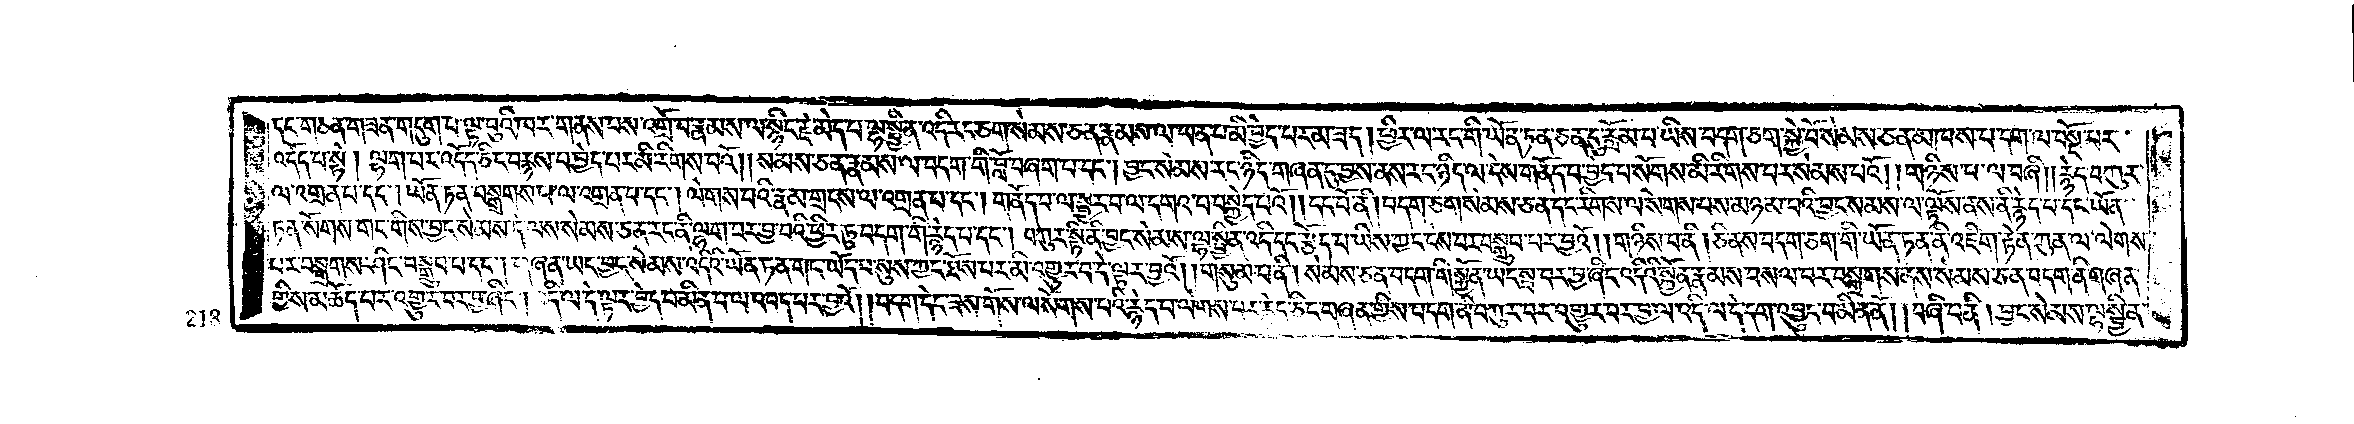དང་གཅན་གཟངྡུག་པ་ལྟ་བུའི་ཁརྒྣས་པས་འགྲོ་བ་རྣམས་ལ་སྙིང་རྗེ་མེད་པ་ལྷ་སྦྱིན་འདི་རང་ཅག་སེམས་ཅན་རྣམས་ལ་ཕན་པ་མི་བྱེད་པར་མ་ཟད། ཕྱིར་ལ་རང་གི་ཡོན་ཏན་ཅན་དུ་རློམ་པ་ཡིས་བདག་ཅག་སྐྱེ་བོ་སེམས་ཅན་མཁས་པ་དག་ལ་བསྔོ་བར་
འདོད་པ་སྟེ། ལྷག་པར་འདོད་ཅིང་བརྙས་པ་བྱེད་པར་མི་རིགས་པའོ། །སེམས་ཅན་རྣམས་ལ་བདག་གི་བློ་བཞག་པ་དང་། བྱང་སེམས་ཉིད་གཞན་དུ་བྱས་ནས་རྣག་ཉིད་ལ་དེས་གནོད་པ་བྱེད་པ་སོགས་མི་རིགས་པར་སེམས་པའོ། །གཉིས་པ་ལ་བཞི། །རྙེད་བཀུར་
ལ་འགྲན་པ་དང་། ཡོན་ཏན་བསྒྲགས་པ་ལ་འགྲན་པ་དང་། ལེགས་པའི་རྣམས་གྲངས་ལ་འགྲན་པ་དང་། གནོད་པ་ལ་སྦྱར་བ་ལ་དགའ་བ་བསྐྱེད་པའོ། །དང་པོ་ནི། བདག་ཅག་སེམས་ཅན་དང་རིགས་ལ་སེམས་པས་མཉམ་པའི་བྱང་སེམས་ལ་ལྟོས་ནས་ནི་རྙེད་པ་དང་ཡོན་
ཏན་སོགས་གང་གིས་བྱང་སེམས་དེ་ལས་སེམས་ཅན་རང་ནི་ལྷག་པར་བྱ་བའི་ཕྱིར་ཏུ་བདག་གི་རྙེད་པ་དང་། བཀུར་སྟི་ནི་བྱང་སེམས་ལྷ་སྦྱིན་འདི་དང་རྩོད་པ་ཡིས་ཀྱང་དེས་པར་བསྒྲུབ་པར་བྱའོ། །གཉིས་པ་ནི། ཅི་ནས་བདག་ཅག་གི་ཡོན་ཏན་ནི་འཇིག་རྟེན་ཀུན་ལ་ལེགས་
པར་བསྒྲགས་ཤིང་བསྒྲུབ་པ་དང་། གཞན་ཡང་བྱང་སེམས་འདིའི་ཡོན་ཏན་གང་ཡོད་པ་སུས་ཀྱང་ཐོས་པར་མི་འགྱུར་བ་དེ་ལྟར་བྱའོ། །གསུམ་པ་ནི། སེམས་ཅན་བདག་གི་སྐྱོན་ཡང་སྦ་བར་བྱ་ཞིང་འདིའི་སྐྱོན་རྣམས་བསལ་བར་བསྒྲགས་ནས་སེམས་ཅན་བདག་ནི་གཞན་
གྱིས་མཆོད་པར་འགྱུར་བར་བྱ་ཞིང་། འདི་ལ་དེ་ལྟར་བྱེད་པ་མིན་པ་ལ་འབད་པར་བྱའོ། །བདག་དེང་ཟས་གོས་ལ་སོགས་པའི་རྙེད་པ་ལེགས་པར་རྙེད་ཅིང་གཞན་གྱིས་བདག་ནི་བཀུར་པར་འགྱུར་བར་བྱ་ལ་འདི་དག་འབྱུང་བ་མིན་ནོ། །བཞི་པ་ནི། བྱང་སེམས་ལྷ་སྦྱིན་